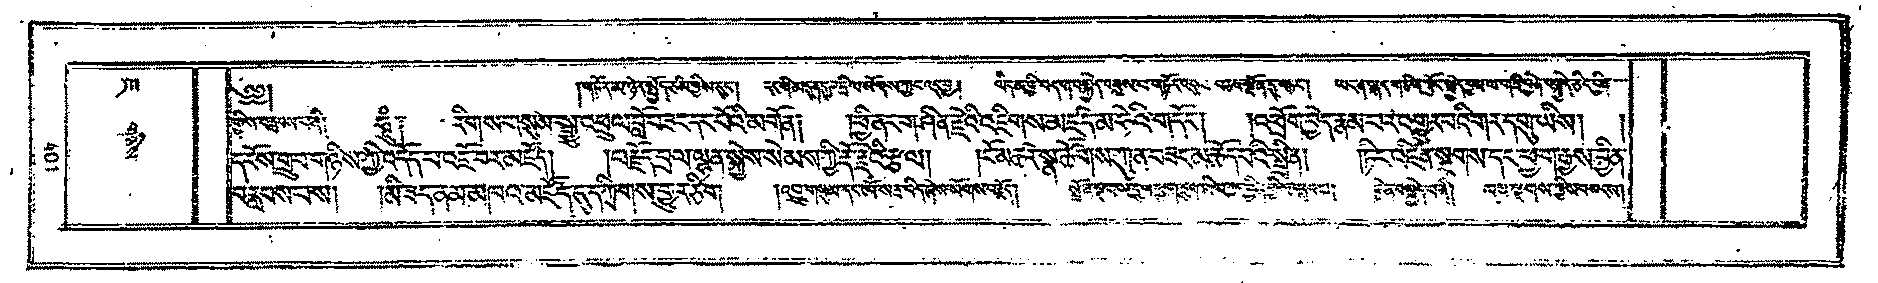༄༅། །གཏོར་མ་ཉེར་སྤྱོད་ཙམ་གྱིས་རུང་། རང་གི་མདུན་དུ་ཌ་དྲིལ་སོགས་ཀྱང་འདུ་བྱ། ཡི་དམ་གྱི་བདག་བསྐྱེད་བཟླས་པ་གཏོར་འབུལ་བཅས་སྔོན་དུ་བཏང་། ཡང་ན་སྐད་གཅིག་ཀྲོང་སྐྱེད་བྱས་ལ་གཟི་བྱིན་བསྐྱེད་ཅིང་བྱིན་
གྱིས་བརླབས་པ་ནི། ཧཱུཾ༑ རིགས་གསུམ་སྒྱུ་འཕྲུལ་བློ་བཟང་དང་པོའི་མགོན། །ཕྱི་ནང་གཤིན་རྗེའི་འཇིགས་མཛད་མ་ཧེའི་གདོང་། །འཕྲོག་བྱེད་རྣམ་པར་འགྱུར་བའི་གར་དགུ་ཡིས། །
དངོས་གྲུབ་གཉིས་ཀྱི་འདོད་པ་འཇོ་བར་མཛོད། །བརྗོད་བྲལ་ལྷན་སྐྱེས་སེམས་ཀྱི་རྡོ་རྗེའི་རྩལ། །ངོ་མཚར་སྣ་ཚོགས་ཀུན་བཟང་མཆོད་པའི་སྤྲིན། །ཏིང་འཛིན་སྔགས་དང་ཕྱག་རྒྱས་བྱིན་
བརླབས་པས། །མི་ཟད་ནམ་མཁའ་མཛོད་དུ་དཀྲིགས་གྱུར་ཅིག་།འབྲུ་གསུམ་དང་ཨོཾ་སརྦ་བིད་ཞེས་སོགས་བརྗོད། སྤྲོ་ན་སྔགས་དྲུག་ཕྱག་དྲུག་གིས་ཀྱང་བྱིན་གྱིས་བརླབས། རྟེན་བསྐྱེད་པ་ནི། ལས་སྔགས་ཀྱིས་བསངས།